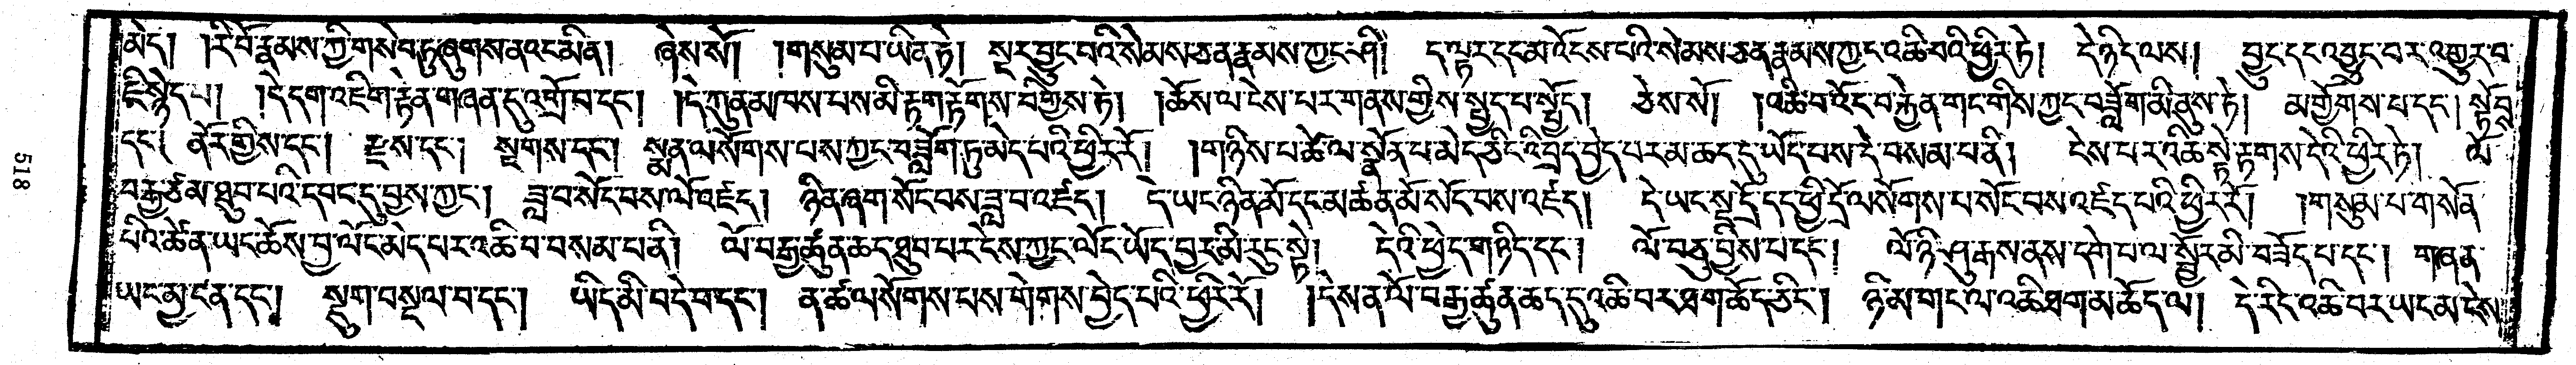མེད། །རི་བོ་རྣམས་ཀྱི་གསེབ་ཏུ་ཞུགས་ནའང་མིན། ཞེས་སོ། །གསུམ་པ་ཡིན་ཏེ། སྔར་བྱུང་བའི་སེམས་ཅན་རྣམས་ཀྱང་ཤི། ད་ལྟར་དང་མ་འོངས་པའི་སེམས་ཅན་རྣམས་ཀྱང་འཆི་བའི་ཕྱིར་ཏེ། དེ་ཉིད་ལས། བྱུང་དང་འབྱུང་བར་འགྱུར་བ་
ཇི་སྙེད་པ། །དེ་དག་འཇིག་རྟེན་གཞན་དུ་འགྲོ་བ་དང་། །དེ་ཀུན་མཁས་པས་མི་རྟག་རྟོགས་བགྱིས་ཏེ། །ཆོས་ལ་ངེས་པར་གནས་གྱིས་སྤྱད་པ་སྤྱོད། ཅེས་སོ། །འཆི་བ་འོང་བ་རྐྱེན་གང་གིས་ཀྱང་བཟློག་མི་ནུས་ཏེ། མགྱོགས་པ་དང་། སྟོབས་
དང༑ ནོར་གྱིས་དང་། རྫས་དང་། སྔགས་དང་། སྨན་ལ་སོགས་པས་ཀྱང་བཟློག་ཏུ་མེད་པའི་ཕྱིར་རོ། །གཉིས་པ་ཚེ་ལ་སྣོན་པ་མེད་ཅིང་འབྲིད་བྱེད་པར་མ་ཆང་དུ་ཡོད་པས་དེ་བསམ་པ་ནི། ངེས་པར་འཆི་སྟེ་རྟགས་དེའི་ཕྱིར་ཏེ། ལོ་
བརྒྱ་ཙམ་ཐུབ་པའི་དབང་དུ་བྱས་ཀྱང་། ཟླ་བ་སོང་བས་ལོ་འཛད། ཉིན་ཞག་སོང་བས་ཟླ་བ་འཛད། དེ་ཡང་ཉིན་མོ་དང་མཚན་མོ་སོང་བས་འཛད། དེ་ཡང་སྔ་དྲོ་དང་ཕྱི་དྲོ་ལ་སོགས་པ་སོང་བས་འཛད་པའི་ཕྱིར་རོ། །གསུམ་པ་གསོན་
པའི་ཚེ་ན་ཡང་ཆོས་བྱ་ལོང་མེད་པར་འཆི་བ་བསམ་པ་ནི། ལོ་བརྒྱ་ཚུན་ཆད་ཐུབ་པར་ངེས་ཀྱང་ལོང་ཡོད་བྱར་མི་རུང་སྟེ། དེའི་ཕྱེད་གཉིད་དང་། ལོ་བཅུ་བྱིས་པ་དང་། ལོ་ཉི་ཤུ་རྒས་ནས་དགེ་པ་ལས་སྦྱོར་མི་བཟོད་པ་དང་། གཞན་
ཡང་མྱ་ངན་དང་། སྡུག་བསྔལ་བ་དང་། ཡིད་མི་བདེ་བ་དང་། ན་ཚ་ལ་སོགས་པས་གེགས་བྱེད་པའི་ཕྱིར་རོ། །དེས་ན་ལོ་བརྒྱ་ཚུན་ཆད་དུ་འཆི་བར་ཐག་ཆོད་ཅིང་། ཉི་མ་གང་ལ་འཆི་ཐག་མ་ཆོད་ལ། དེ་རིང་འཆི་བར་ཡང་མ་ངེས་